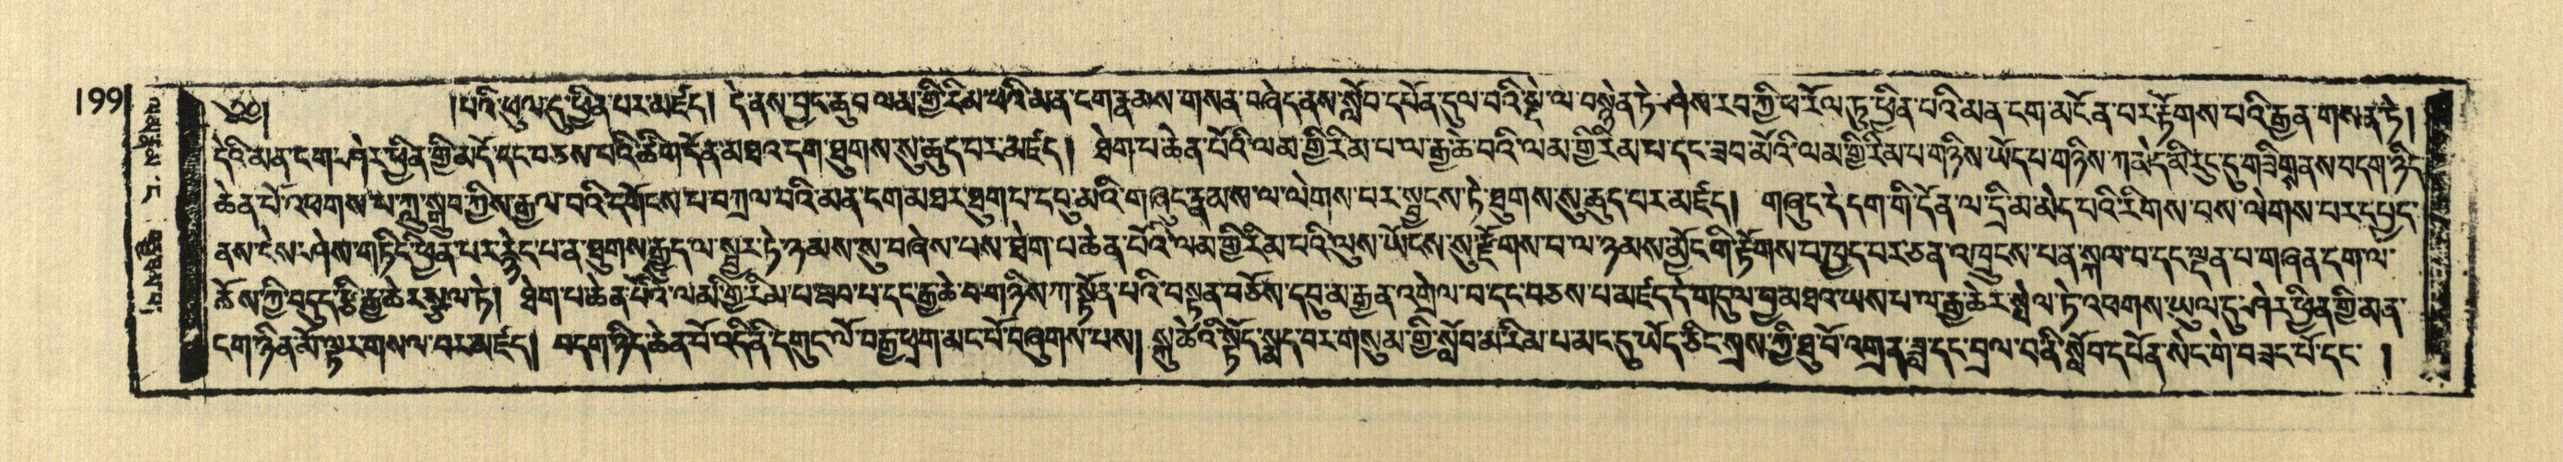༄༅། །པའི་ཕུལ་དུ་ཕྱིན་པར་མཛད། དེ་ནས་བྱང་ཆུབ་ལམ་གྱི་རིམ་པའི་མན་ངག་རྣམས་གསན་བཞེད་ནས་སློབ་དཔོན་དུལ་བའི་སྡེ་ལ་བསྙེན་ཏེ་ཤེས་རབ་ཀྱི་ཕ་རོལ་ཏུ་ཕྱིན་པའི་མན་ངག་མངོན་པར་རྟོགས་པའི་རྒྱན་གསན་ཏེ།
དེའི་མན་ངག་ཤེར་ཕྱིན་གྱི་མདོ་དང་བཅས་པའི་ཚིག་དོན་མཐའ་དག་ཐུགས་སུ་ཆུད་པར་མཛད། ཐེག་པ་ཆེན་པོའི་ལམ་གྱི་རིམ་པ་ལ་རྒྱ་ཆེ་བའི་ལམ་གྱི་རིམ་པ་དང་ཟབ་མོའི་ལམ་གྱི་རིམ་པ་གཉིས་ཡོད་པ་གཉིས་ཀ་མེད་མི་རུང་དུ་གཟིགས་ནས་བདག་ཉིད་
ཆེན་པོ་འཕགས་པ་ཀླུ་སྒྲུབ་ཀྱིས་རྒྱལ་བའི་དགོངས་པ་བཀྲལ་བའི་མན་ངག་མཐར་ཐུག་པ་དབུ་མའི་གཞུང་རྣམས་ལ་ལེགས་པར་སྦྱངས་ཏེ་ཐུགས་སུ་ཆུད་པར་མཛད། གཞུང་དེ་དག་གི་དོན་ལ་དྲི་མ་མེད་པའི་རིགས་པས་ལེགས་པར་དཔྱད་
ནས་ངེས་ཤེས་གཏིང་ཕྱིན་པར་རྙེད་པ་ན་ཐུགས་རྒྱུད་ལ་སྦྱར་ཏེ་ཉམས་སུ་བཞེས་པས་ཐེག་པ་ཆེན་པོའི་ལམ་གྱི་རིམ་པའི་ལུས་ཡོངས་སུ་རྫོགས་པ་ལ་ཉམས་མྱོང་གི་རྟོགས་པ་ཁྱད་པར་ཅན་འཁྲུངས་པ་ན་སྐལ་བ་དང་ལྡན་པ་གཞན་དག་ལ་
ཆོས་ཀྱི་བདུད་རྩི་རྒྱ་ཆེར་སྩལ་ཏེ། ཐེག་པ་ཆེན་པོའི་ལམ་གྱི་རིམ་པ་ཟབ་པ་དང་རྒྱ་ཆེ་བ་གཉིས་ཀ་སྟོན་པའི་བསྟན་བཅོས་དབུ་མ་རྒྱན་འགྲེལ་བ་དང་བཅས་པ་མཛད་དེ་གདུལ་བྱ་མཐའ་ཡས་པ་ལ་རྒྱ་ཆེར་སྤེལ་ཏེ་འཕགས་ཡུལ་དུ་ཤེར་ཕྱིན་གྱི་མན་
ངག་ཉིན་མོ་ལྟར་གསལ་བར་མཛད། བདག་ཉིད་ཆེན་པོ་འདི་ནི་དགུང་ལོ་བརྒྱ་ཕྲག་མང་པོ་བཞུགས་པས། སྐུ་ཚེའི་སྟོད་སྨད་བར་གསུམ་གྱི་སློབ་མ་རིམ་པ་མང་དུ་ཡོད་ཅིང་སྲས་ཀྱི་ཐུ་བོ་འགྲན་ཟླ་དང་བྲལ་བ་ནི་སློབ་དཔོན་སེང་གེ་བཟང་པོ་དང་།